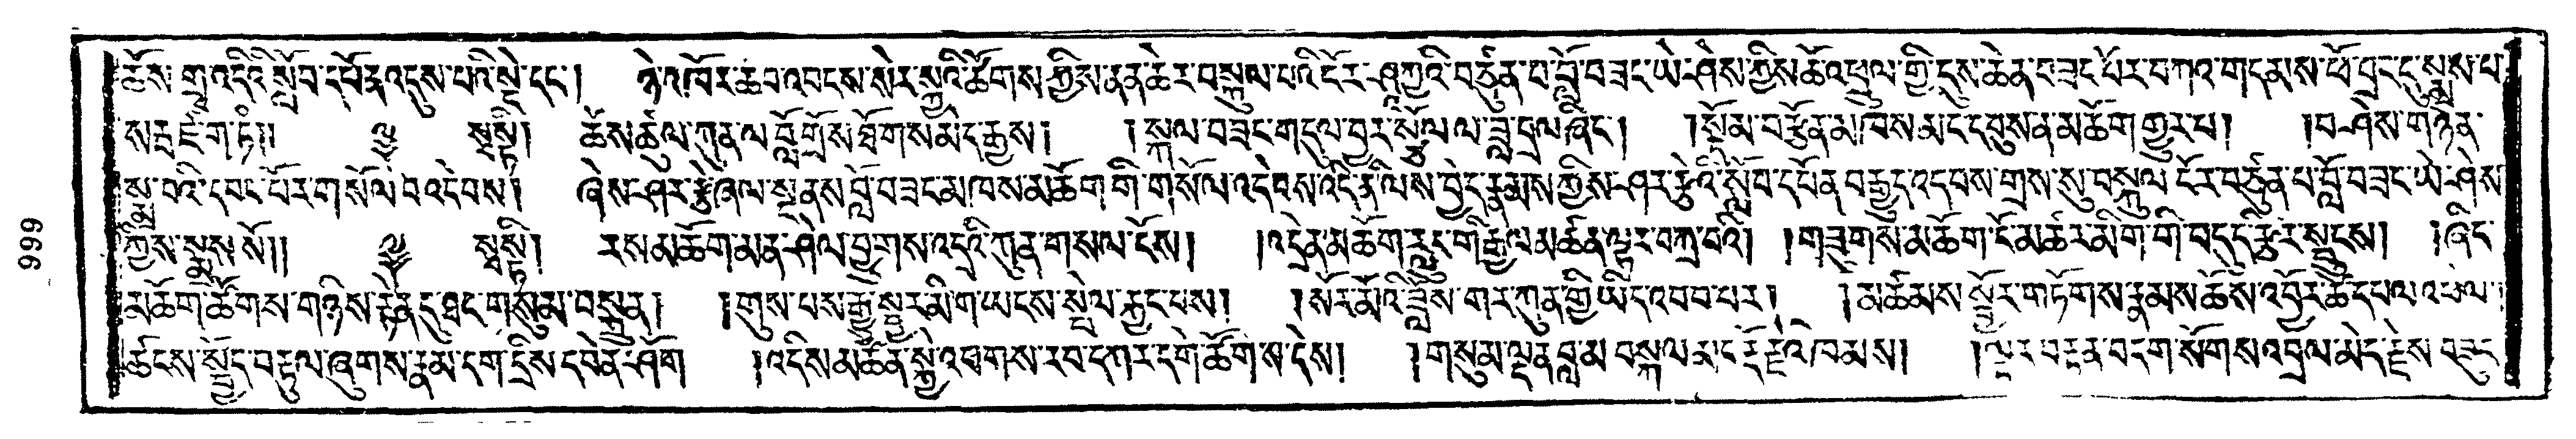ཆོས་གྲྭ་འདིའི་སློབ་དཔོན་འདུས་པའི་སྡེ་དང་། ཉེ་འཁོར་ཆབ་འབངས་སེར་སྐྱའི་ཚོགས་ཀྱིས་ནན་ཆེར་བསྐུལ་པའི་ངོར་ཤཱཀྱའི་བཙུན་བ་བློ་བཟང་ཡེ་ཤེས་ཀྱིས་ཆོ་འཕྲུལ་གྱི་དུས་ཆེན་བཟང་པོར་བཀའ་གདམས་ཕོ་བྲང་དུ་སྨྲས་པ་
སརྦ་ཛ་ག་ཏཾ།། ༈ སྭསྟི། ཆོས་ཚུལ་ཀུན་ལ་བློ་གྲོས་ཐོགས་མེད་རྒྱས། །སྐལ་བཟང་གདུལ་བྱར་སྩོལ་ལ་ཟླ་བྲལ་ཞིང་། །སྡོམ་བརྩོན་མཁས་མང་དབུས་ན་མཆོག་གྱུར་པ། །བཤེས་གཉེན་
སྨྲ་བའི་དབང་པོར་གསོལ་བ་འདེབས། ཞེས་ཤར་རྩེ་ཞལ་སྔ་ནས་བློ་བཟང་མཁས་མཆོག་གི་གསོལ་འདེབས་འདི་ནི་ལས་བྱེད་རྣམས་ཀྱིས་ཤར་རྩེའི་སློབ་དཔོན་བརྒྱུད་འདབས་གྲས་སུ་བསྐུལ་ངོར་བཙུན་པ་བློ་བཟང་ཡེ་ཤེས་
ཀྱིས་སྨྲས་སོ།། ༈ སྭསྟི། རས་མཆོག་མན་ཤེལ་བྱུགས་འདྲའི་ཀུན་གསལ་ངོས། །འདྲེན་མཆོག་རླུང་གི་རྒྱལ་མཚན་ལྟར་བཀྲ་བའི། །གཟུགས་མཆོག་ངོ་མཚར་མིག་གི་བདུད་རྩིར་སྦུངས། །ཞིང་
མཆོག་ཚོགས་གཉིས་རྟེན་དུ་ཐང་གསུམ་བསྐྲུན། །གུས་པས་རྒྱུ་སྦྱར་མིག་ཡངས་སྤེལ་རྐྱང་པས། །སོར་མོའི་ཟློས་གར་ཀུན་གྱི་ཡིད་འབབ་པར། །མཚམས་སྦྱོར་གཏོགས་རྣམས་ཆོས་འབྱོར་ཚེ་དཔལ་འཕེལ།།
ཚངས་སྤྱོད་བརྟུལ་ཞུགས་རྣམ་དག་དྲིས་དབེན་ཤོག །འདིས་མཚན་སྐྱེ་འཕགས་རབ་དཀར་དགེ་ཚོག་ས་དེས། །གསུམ་ལྡན་བླ་མ་བསྐལ་མང་རྡོ་རྗེའི་ཁམས། །ལྟར་བརྟན་བདག་སོགས་འབྲལ་མེད་རྗེས་བཟུང་